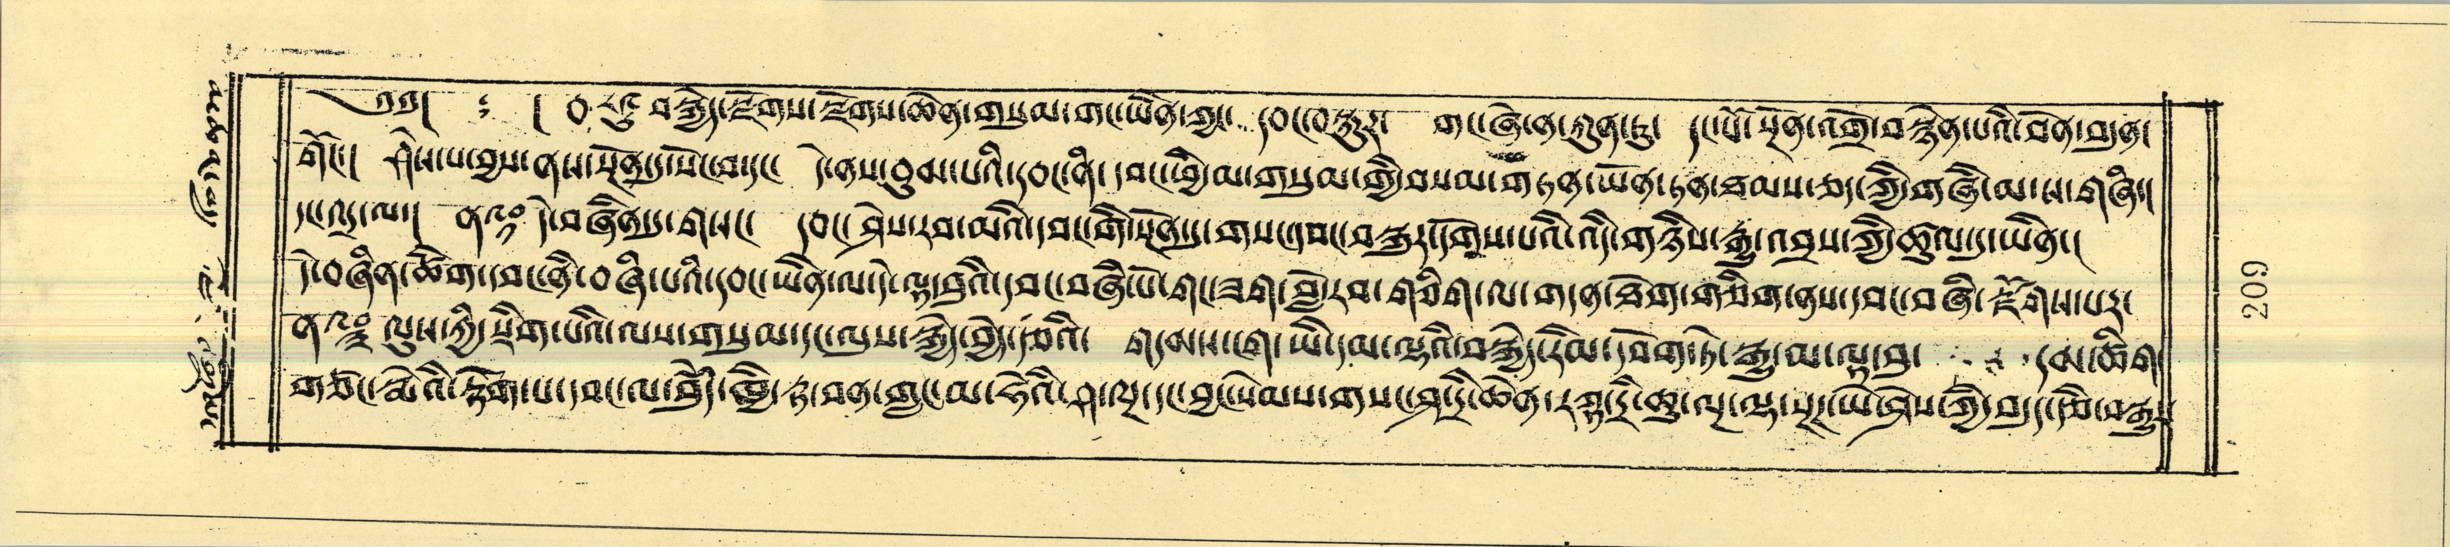བ༨༩།༦ བསྐྱེད་སྫོགས་སྫོགས་ཆེན་གསུམ་གང་ཡིན་ཀྱང། ༼དབང་བསྐུར་༽གང་ཞེ་ན་༼ཀུན་ཏུ་༽༼དང་པོ་༽སྔོན་འགྲོ་བསྙེན་པའི་བོན་བདུན་
༼གོང།༽༼ཤེས་པ་༽བྱས་ནས་སྔོན་དུ་སོང་བ་དང། དེ་ནས་༼བུམ་པའི་དབང་ནི་༽དབང་ཕྱི་མ་གསུམ་གྱི་བསམ་གཏན་ཡོན་ཏན་ཐམས་ཅད་ཀྱི་གཞི་མ་༼ས་གཞི་
དང་འདྲ་ལ།༽ན༩༠།༡ དེ་བཞིན་དུ་༼གསང་དབང་༽ཤེས་རབ་མའི་དབང་གི་སྔོན་དུ་གསང་དབང་བསྐུར་དགོས་པའི་འདི་གཉིས་རྒྱུ་འབྲས་ཀྱི་ཚུལ་དུ་ཡིན་། 
༼དེ་བཞིན་༽ཚིག་དབང་ནི་༼བཞི་པའི་དབང་༽ཡིན་ལ་དེ་ལྟ་བུའི་དབང་བཞི་པོ་༼གང་ཟག་༽བློ་རབ་༼གཅིག་༽ལ་གདན་ཐོག་གཅིག་ནས་དབང་བཞི་༼རྫོགས་པར་
༽ན༩༠།༣ ༼ལུས་ཀྱི་༽སྡིག་པའི་ལས་གསུམ་དང་ལུས་སྐྱེད་བྱེད་རྩའི། ༼གདམས་ངག་༽ཡི་དམ་ལྷའི་བསྐྱེད་རིམ་དབོག་ཏེ་སྒྱུ་མ་ལྟ་བུ། ༼དམ་ཚིག་
༽གཙང་སྨེའི་རྟོག་པ་དབང་ལ་བུད་མེད་ཁྱི་རྟ་བན་གླང་མ་ཧེའི་༼ཤ་ལྔ་༽དང་བྱང་སེམས་གསང་ཤ་དྲི་ཆེན་རཀྟ་དྲི་ཆུ་ལྔ་ལྷ་སྔགས་ཡེ་ཤེས་ཀྱི་བདུད་རྩི་བསྒྱུར་